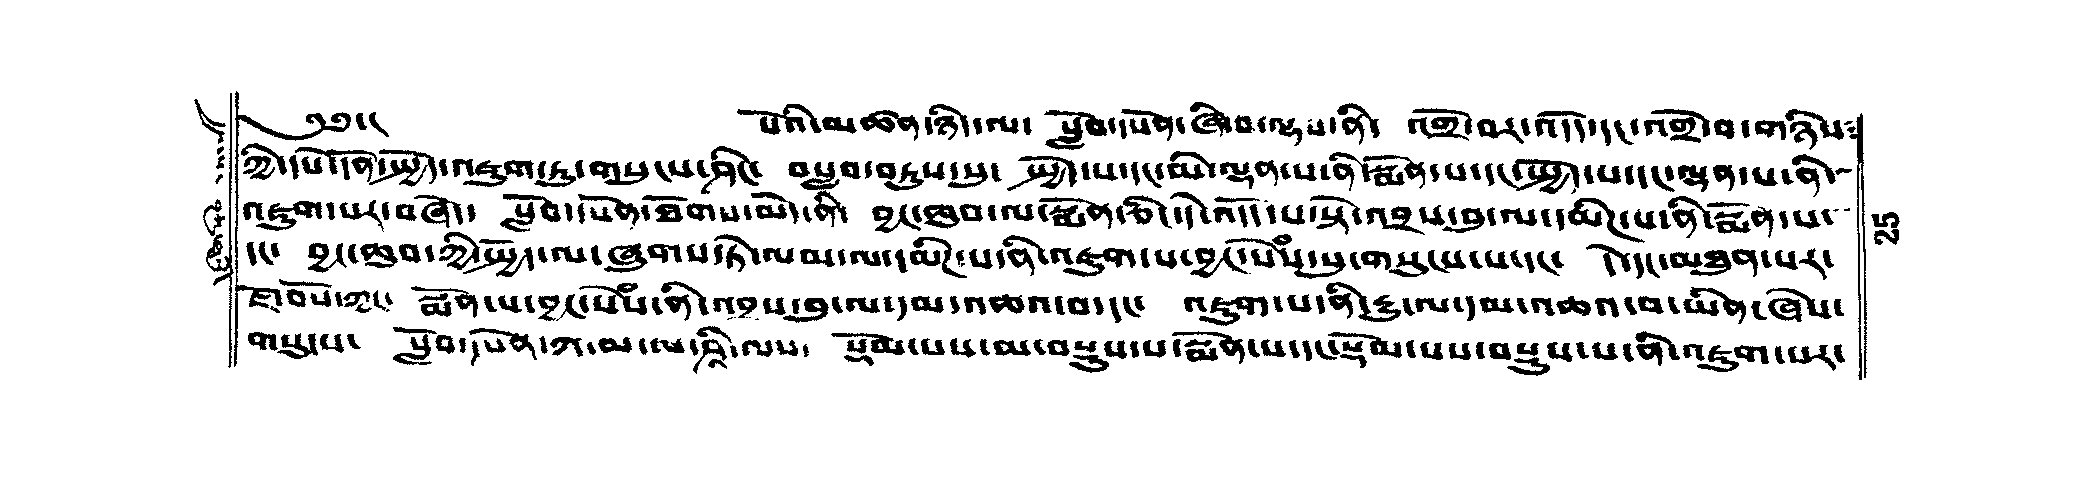པོའི་མཚན་ཉིད་ལ། སློབ་དཔོན་ཞི་བ་ལྷས་ནི། འགྲོ་བར་འདོད་དང་འགྲོ་བ་གཉིས་
ཀྱི་དཔེ་དོན་སྤྱོད་འཇུག་ཏུ་གསུངས་ཤིང་། བསླབ་བཏུས་སུ། སྤྱོད་པ་དང་མི་ལྡན་པ་ནི་སྨོན་པ་དང་སྤྱོད་པ་དང་ལྡན་པ་ནི་
འཇུག་པར་བཞེད། སློབ་དཔོན་ཐོགས་མེད་ནི། བྱང་ཆུབ་ལ་སྨོན་ཅིང་དེ་འདོད་པ་སྟེ་འབྲས་བུ་ལ་དམིགས་པ་ནི་སྨོན་པ་
དང་། བྱང་ཆུབ་ཀྱི་སྤྱོད་ལ་ཞུགས་ཏེ་ལམ་ལ་དམིགས་པ་ནི་འཇུག་པ་བྱང་སེམས་སུ་གསུངས་པ་དང་། དེ་དང་མཐུན་པར་
ཇོ་བོས་ཀྱང་། སྨོན་པ་བྱང་སེམས་ནི་འབྲས་བུ་ལ་དམ་འཆའ་བ་དང་། འཇུག་པ་ནི་རྒྱུ་ལ་དམ་འཆའ་བ་ཡིན་ཞེས་
གསུངས། སློབ་དཔོན་ཀ་མ་ལ་ཤཱི་ལས། སྡོམ་པས་མ་བསྡུས་པ་སྨོན་པ་དང་སྡོམ་པས་བསྡུས་པ་ནི་འཇུག་པར་